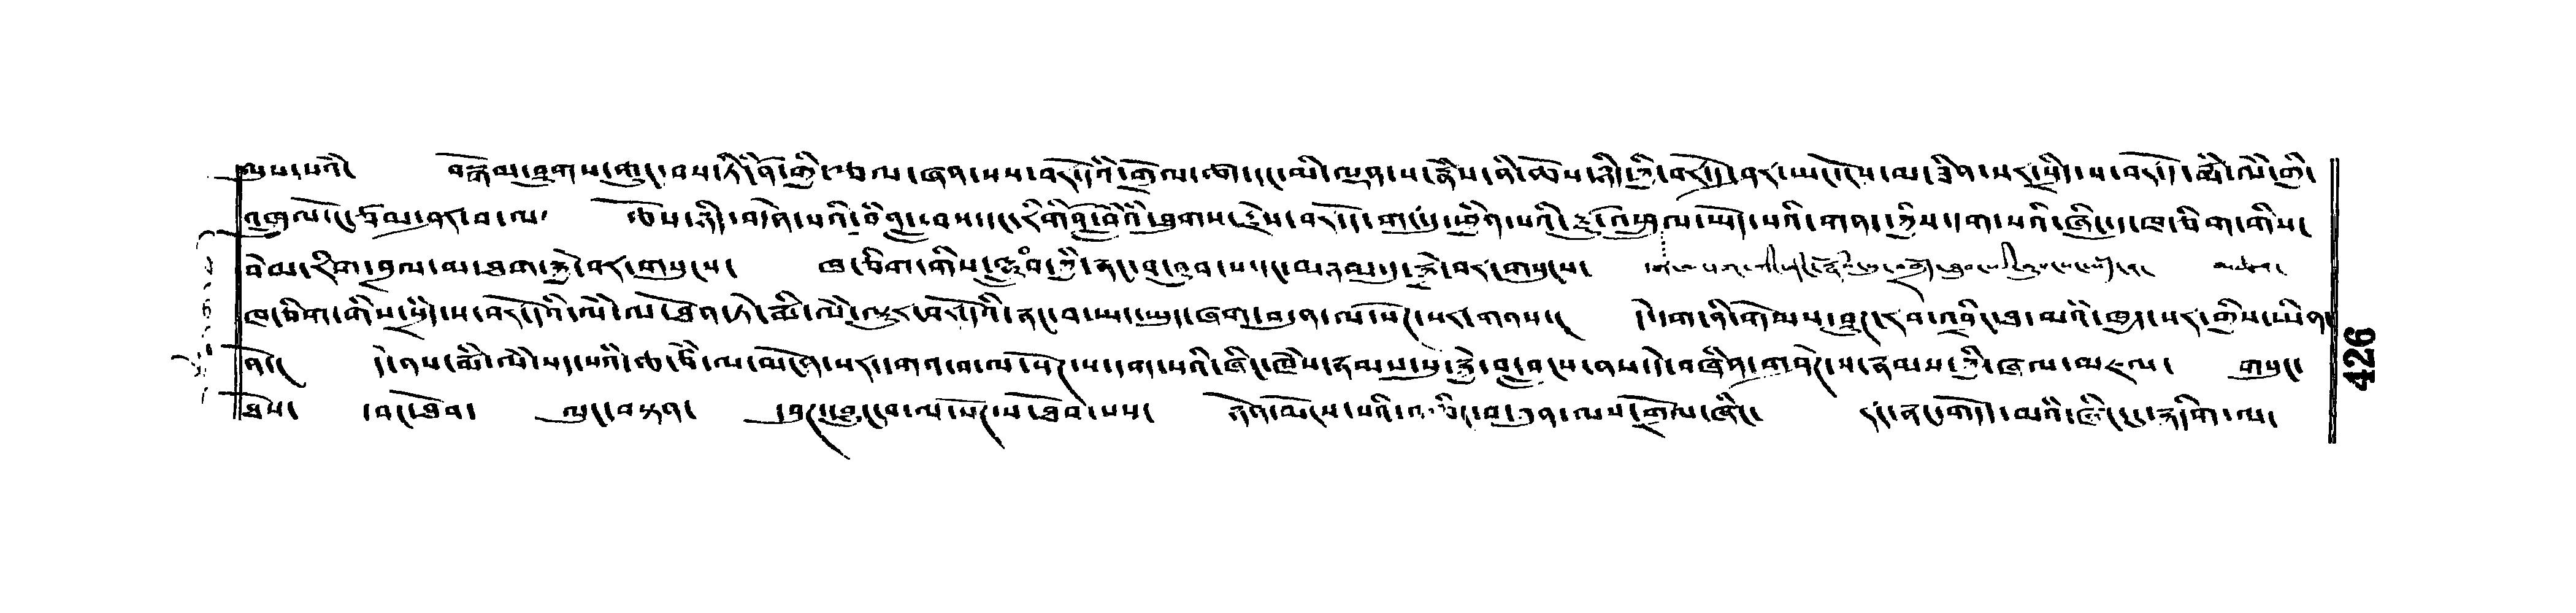ལུས་པའམ། བསྒོམ་ཤུགས་ཆུང་བས་ཏིང་འཛིན་གྱི་རྩལ་ཞན་པས་བར་དོའི་གྲོལ་ཚད་དག་མི་ལྡན་པ་རྣམས་ནི་ཆོས་ཉིད་ཀྱི་བར་དོ་ཤར་ཡང་ངོས་མ་ཟིན་པར་སྲིད་པ་བར་དོ་རྨི་ལམ་གྱི་
འཁྲུལ་ངོ་ཙམ་ཤར་བ་ལ། ཆོས་ཉིད་བདེན་པའི་བྱིན་རླབས་དང་རིག་འཛིན་བླ་མའི་ཐུགས་རྗེས་བར་དོ་གང་དུ་ཕྱིན་པའི་རྫུ་འཕྲུལ་ཡོད་པའི་གནད་ཀྱིས་དག་པའི་ཞིང་དུ་ཁ་ཅིག་གིས་
བེམ་རིག་བྲལ་མ་ཐག་སྐྱེ་བར་གསུངས། ཁ་ཅིག་གིས་ལྷུན་གྲུབ་ཀྱི་སྣང་བ་ནུབ་པ་དང་མཉམ་དུ་སྐྱེ་བར་གསུངས།
ཁ་ཅིག་གིས་སྲིད་པ་བར་དོའི་ལམ་ལ་ཐོན་ཏེ་རྨི་ལམ་ལྟ་བུར་བར་དོའི་སྣང་བ་ཡད་ཡུད་ཞག་བདུན་ལ་སོགས་པར་གནས། དེ་དག་ནི་གོམས་ཤུགས་རབ་འབྲིང་ཐ་མའི་ཁྱད་པར་གྱིས་ཡིན་
ནོ། དེ་ནས་རྨི་ལམ་སད་པའི་ཆ་ཙམ་ལ་མངོན་པར་དགའ་བ་ལ་སོགས་པ་དག་པའི་ཞིང་ཁམས་རྣམས་སུ་སྐྱེ་བ་བླངས་ནས་དེ་བཞིན་གཤེགས་པ་རྣམས་ཀྱི་ཞལ་མཇལ། གསུང་
ཐོས། དབང་ཐོབ། ལུང་བསྟན། དབུགས་དབྱུང་བ་ལ་སོགས་པ་ཐོབ་པས། ཉོན་མོངས་པའི་འཆིང་བ་ཀུན་ལས་གྲོལ་ཞིང་།རང་སྣང་གདོད་མའི་ཞིང་དུ་སྐད་ཅིག་ལ་